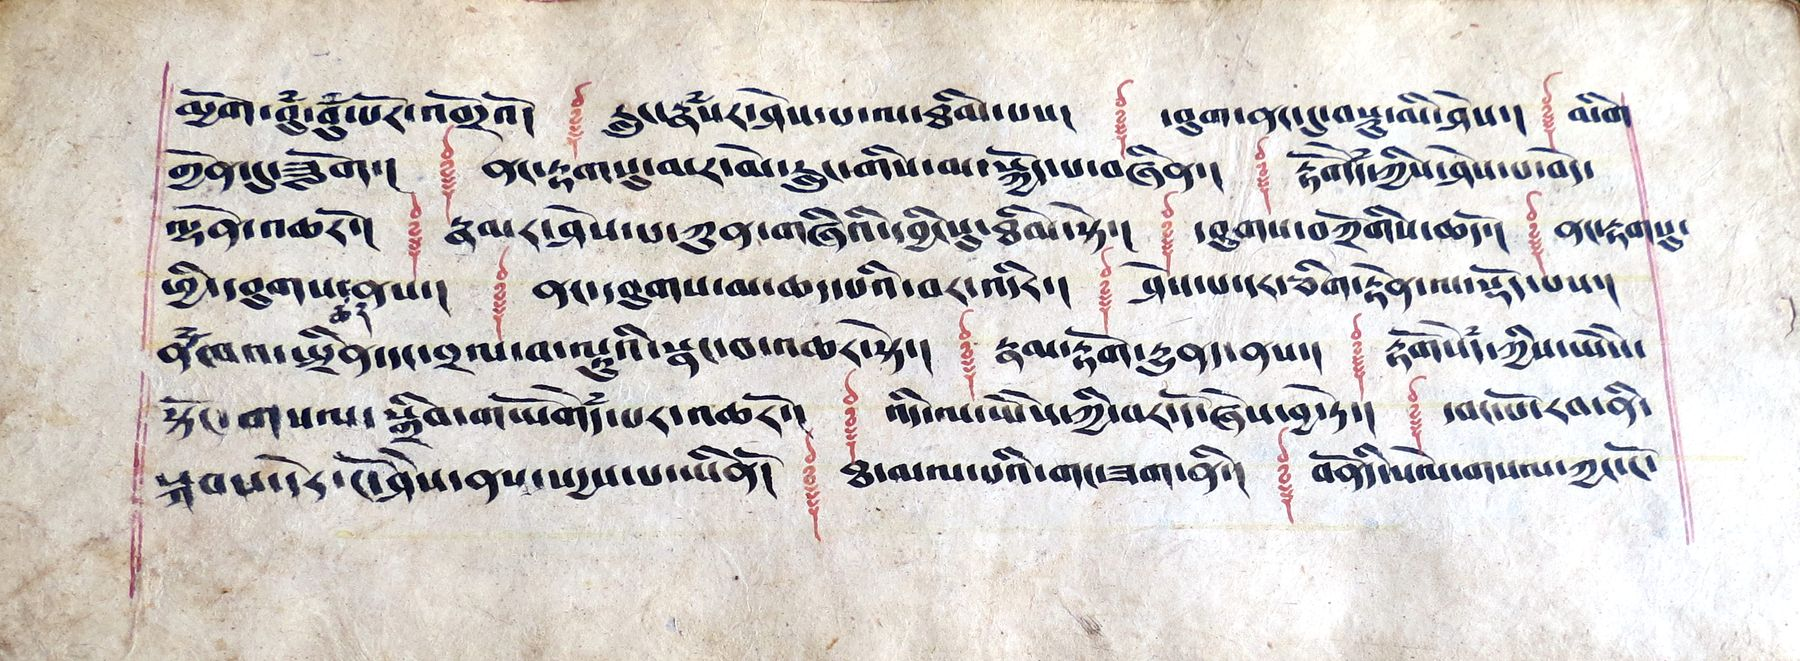མྱོག་བུམ་བུམ་པོར་འགྲོའོ། །རླུང་རྣམ་པར་ཤེས་པ་ལ་ཐིམ་པས། དབུགས་ནང་དུ་བསྡུད་མི་ཤེས། མིག་
གྱེན་དུ་ཟློག ནང་རྟགས་སུ་མར་མེ་རླུང་གིས་མ་བསྐྱོད་པ་བཞིན། རྟོག་མེད་ཀྱི་ཤེས་པ་བདེ་
ལྷན་ནེར་འཆར་རོ། །རྣམ་པར་ཤེས་པ་ཀུན་གཞིའི་དབྱིངས་སུ་ཐིམ་སྟེ། དབུགས་དཀྲོག་གིས་ཆད་དོ། །ནང་རྟགས་སུ་
ཕྱི་དབུགས་ཆད་ནས། ནང་དབུགས་མ་ཆད་པའི་བར་འདིར། ཤེས་པ་དར་ཅིག་རྟེན་ལ་སྡོད་པས། 
ནམ་མཁའ་སྤྲིན་དང་བྲལ་བ་ལྟ་བུའི་སྣང་བ་འཆར་ཏེ། རྣམ་རྟོག་རྒྱུན་ཆད་ནས། རྟོག་མེད་ཀྱི་ཡེ་ཤེས་
སྟོང་གསལ་སྒྲིབ་གཡོགས་མེད་པར་འཆར་རོ། །འདི་ལ་ཡེ་ཤེས་ཀྱི་བར་དོ་ཞེས་བྱ་སྟེ། དབང་པོ་རབ་ནི་
སྐབས་དེར་ངོ་ཤེས་ནས་སངས་རྒྱས་པ་ཡིན་ནོ། །ཐ་མལ་པའི་གང་ཟག་ནི་བོན་ཉིད་སལེ་གསལ་ཡང་ངོ་